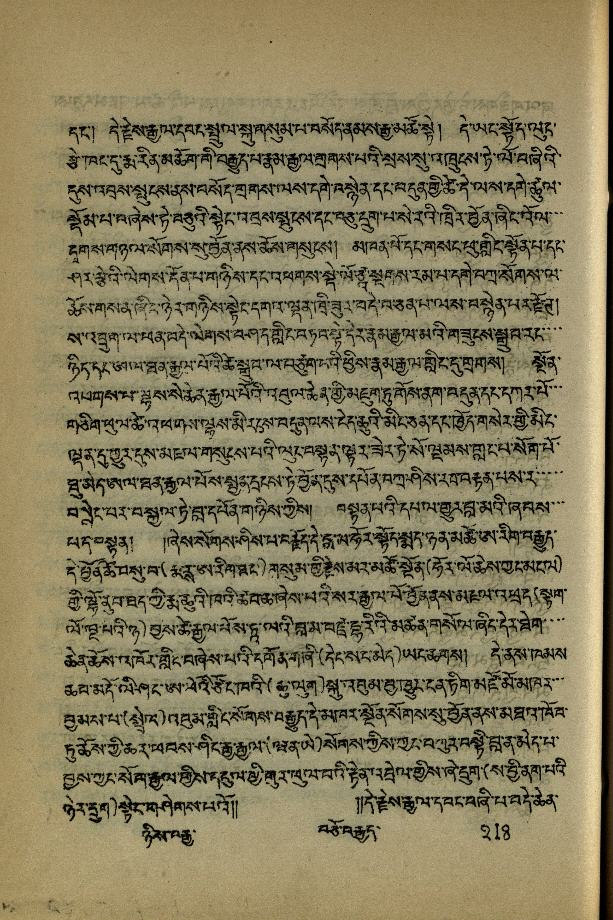དང་། དེ་རྗེས་རྒྱལ་དབང་སྤྲུལ་སྐུ་གསུམ་པ་བསོད་ནམས་རྒྱ་མཚོ་སྟེ། དེ་ཡང་སྟོད་ལུང་
རྩེ་ཁང་དུ་རྨ་རིན་མཆོག་གི་བརྒྱུད་པ་རྣམ་རྒྱལ་གྲགས་པའི་སྲས་སུ་འཁྲུངས་ཏེ་ལོ་བཞིའི་
དུས་འབྲས་སྤུངས་ནས་བསོད་གྲགས་ལས་དགེ་བསྙེན་དང་བདུན་གྱི་ཚེ་དེ་ལས་དགེ་ཚུལ་
སྡོམ་པ་བཞེས་ཏེ་བཅུའི་སྟེང་འབྲས་སྤུངས་དང་བཅུ་དྲུག་པ་སེ་རའི་ཁྲིར་བྱོན་ཞིང་འོལ་
དྭགས་གཉལ་སོགས་སུ་བྱོན་ནས་ཆོས་གསུངས། མཁན་པོ་དང་གསང་ཕུ་གླིང་སྟོན་པ་དང་
ཤར་རྩེའི་ལེགས་དོན་པ་གཉིས་དང་འཕགས་སྡེ་ལོ་ཙཱ་སྔགས་རམ་པ་དགེ་བཀྲ་སོགས་ལ་
ཆོས་གསན་ཞིང་ཉེར་གཉིས་སྟེང་དགའ་ལྡན་ཁྲི་ཟུར་བདེ་བ་ཅན་པ་ལས་བསྙེན་པར་རྫོཊ།
ས་འབྲུག་ལ་ཕན་བདེ་ལེགས་བཤད་གླིང་བཏབ་སྟེ་དེར་རྣམ་རྒྱལ་མའི་གཟུངས་སྒྲུབ་རང་
ཉིད་དང་ཨལ་ཐན་རྒྱལ་པོའི་ཚེ་སྒྲུབ་ལ་བཙུག་པའི་ཕྱིས་རྣམ་རྒྱལ་གླིང་དུ་གྲགས། སྔོན་
འཕགས་པ་ལྷས་སེ་ཆེན་རྒྱལ་པོའི་འབུལ་ཆེན་གྱི་འཇུག་ཏུ་གོས་ནག་བདུན་དང་དཀར་པོ་
གཅིག་ཕུལ་ཚེ་འཕགས་ལྷས་མི་རངས་བདུན་ལས་ངེད་ཆུའི་མིང་ཅན་དང་ཁྱོད་གསེར་གྱི་མིང་
ལྡན་དུ་ཀྱུར་དུས་མཇལ་གསུངས་པའི་ལུང་བསྟན་ལྟར་ཟེར་ཏེ་སོ་ལྡམས་གླང་པ་སོག་པོ་
ཐུ་མེད་ཨལ་ཐན་རྒྱལ་པོས་སྤྱན་དྲངས་ཏེ་བྱོན་དུས་དཔོན་བཀྲ་ཤིས་རབ་བརྟན་པས་ར་
བསྲེང་བར་བསྐྱལ་ཏེ་བླ་དཔོན་གཉིས་ཀྱིས། བསྟན་པའི་དཔལ་གྱུར་བླ་མའི་ཞབས་
པད་བསྟན། །ཞེས་སོགས་ཤིས་པ་བརྗོད་དེ་བླ་མ་ཧོར་སྟོད་སྨད་ཉན་མཚོ་ཨ་རིག་བརྒྱུད་
དེ་བྱོན་ཚེ་བསུ་བ་རྨ་རས་ཨ་རིག་ཐང་གསུམ་གྱི་རྗེས་མར་མཚོ་སྔོན་་ཧོར་ལོ་ཆེས་ཀྱང་མངལ
གྱི་ལྷོ་ནུབ་ཐད་ཀྱི་རྨ་ཆུའི་ཁའི་ཚབ་ཆ་ཞེས་པའི་སར་རྒྱལ་པོ་བྱོན་ནས་མཇལ་འཕྲད་སྟག་
ལོ་ལྔ་པའི་ཉ་བྱས་ཚེ་རྒྱལ་པོས་ཏཱ་ལའི་བླ་མ་བཛྲ་དྷ་རིའི་མཚན་གསོལ་ཞིང་དེར་ཐེག་
ཆེན་ཆོས་འཁོར་གླིང་བཞེས་པའི་དགོན་གཞི་དེང་སང་མེད་ཡང་ཆགས། དེ་ནས་ཁམས་
ཆབ་མདོ་ལི་ཤང་ཨ་ཕོའི་ཙོང་ཁའི་ཆུ་ལུག་སྐུ་འབུམ་བྱ་ཁྱུང་ངན་ཏིག་མཛོ་མོ་མཁར་
བྱམས་པ་སྤྲེལ་འབུམ་གླིང་སོགས་བརྒྱུད་དེ་མཁར་སྔོན་སོགས་སུ་བྱོན་ནས་མཐའ་ཐོབ་
ཏུ་ཆོས་ཀྱི་ཆར་ཕབས་ཤིང་རྒྱ་རྒྱལ་ཝན་ཡེ་སོགས་ཀྱིས་ཀྱང་བཀུར་བསྟི་བླ་ན་མེད་པ་
བྱས་ཀྱང་སོག་རྒྱལ་གྱིས་དངུལ་གྱི་གུར་ཁུལ་བའི་རྟེན་འབྲེལ་གྱིས་ཞེ་དྲུག་ས་བྱི་ནག་པའི་
ཉེར་དྲུག་སྟེང་གཤེགས་པའོ།། །།དེ་རྗེས་རྒྱལ་དབང་བཞི་པ་བདེན་ཆེན་